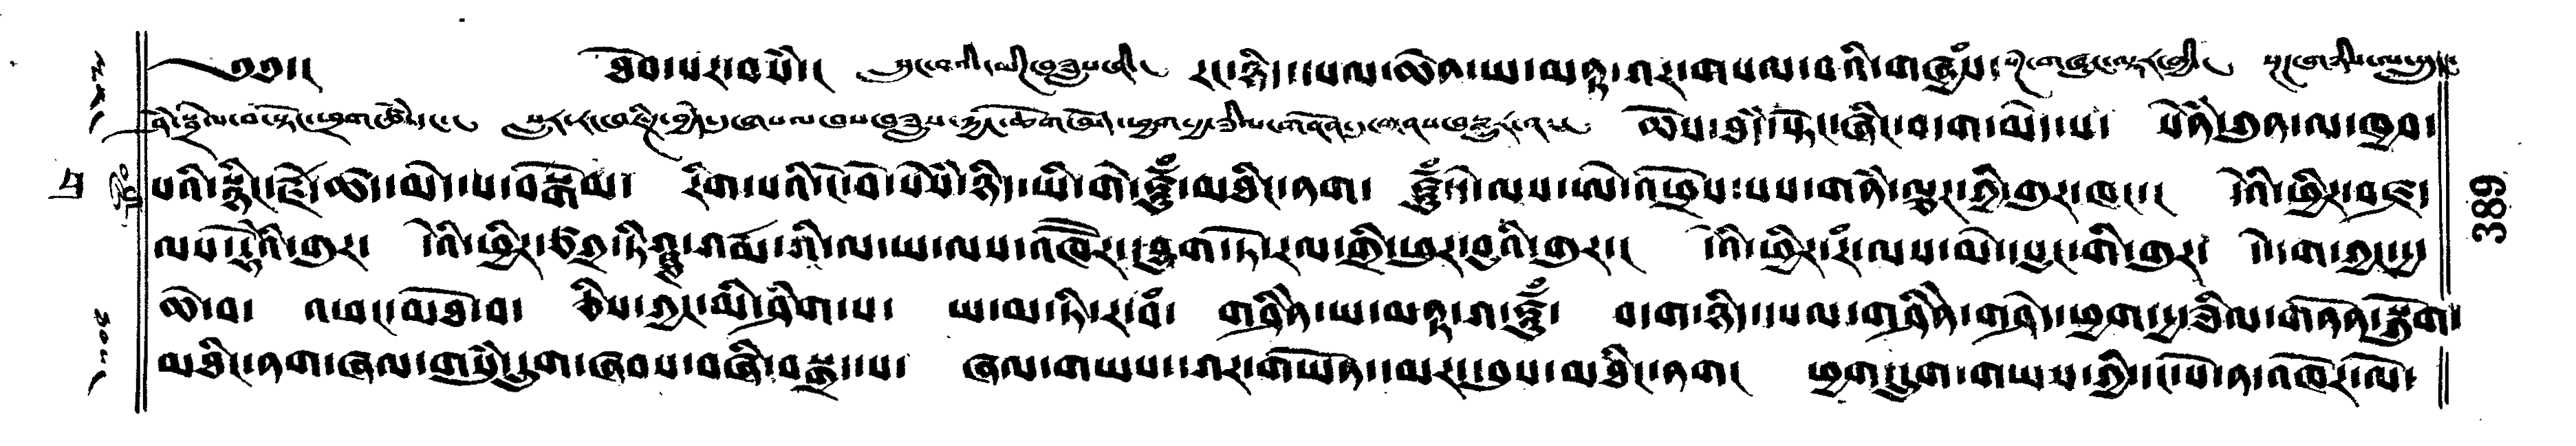ཐོབ་པར་བསམ། སྲུང་བའི་དམིགས་བཟླས་ནི། རང་ཉིད་དཔལ་ཆེན་ཡ་མནྟ་ཀར་གསལ་བའི་གཞལ་ཡས་ཁང་སོགས་གཞུང་ལྟར་བགྱི། སྔགས་གཉིས་ལ་སྲུང་
ཤམས་སྦྲེལ་བ་སྟོང་ཕྲག་ཙམ་དང་། སླར་རང་འཇིགས་བྱེད་དུ་གསལ་བས་བཟླས་ཀྱང་ཆོག་མོད་ཕྱག་རྒྱ་ཟིལ་གནོན་དུ་གནས་བསྒྱུར་ན། ཆོས་ཐམས་ཅད་སྟོང་ཞིང་བདག་མེད་པ། སེམས་ཅན་ཀུན་ལ་ཁྱབ་
པའི་སྙིང་རྗེ་ཚད་མེད་པ་བསྒོམ། རིག་པའི་ངོ་བོ་སེམས་ཉིད་ཡི་གེ་ཧཱུྃ་མཐིང་ནག ཧཱུྃ་དེ་ལས་ཨེ་འཕྲོས་པས་གནམ་ལྕགས་ཀྱི་གུར་ཁང་། དེའི་ཕྱིར་བཛྲ་
ལས་རྡོ་རྗེའི་གུར། དེའི་ཕྱིར་ཙཀྲ་ཏིཀྵྞ་ཀརྨ་ཀཱི་ལ་ཡ་ལས་འཁོར་ལོ་དབྱུག་ཏོ་རལ་གྲི་ཕུར་བུའི་གུར། དེའི་ཕྱིར་རཾ་ལས་མེ་དཔུང་གི་གུར། དེ་དག་ཀྱང་རྒྱ་
ཆེ་བ། འཕང་མཐོ་བ། ཅིས་ཀྱང་མི་ཤིགས་པ། ཡ་མ་ཏི་ར་བཾ། གཤིན་རྗེ་ཡ་མནྟ་ཀ་ཧཱུྃ། བདག་ཉིད་དཔལ་གཤིན་རྗེ་གཤེད་ཕྱག་རྒྱ་ཟིལ་གནོན་སྐུ་མདོག་
མཐིང་ནག་ཞལ་གསུམ་ཕྱག་དྲུག་ཞབས་བཞི་བསྒྲད་པ། ཞལ་གཡས་དཀར་གཡོན་དམར་དབུས་མཐིང་ནག ཕྱག་དྲུག་གཡས་ཀྱི་དང་པོ་ན་འཁོར་ལོ་